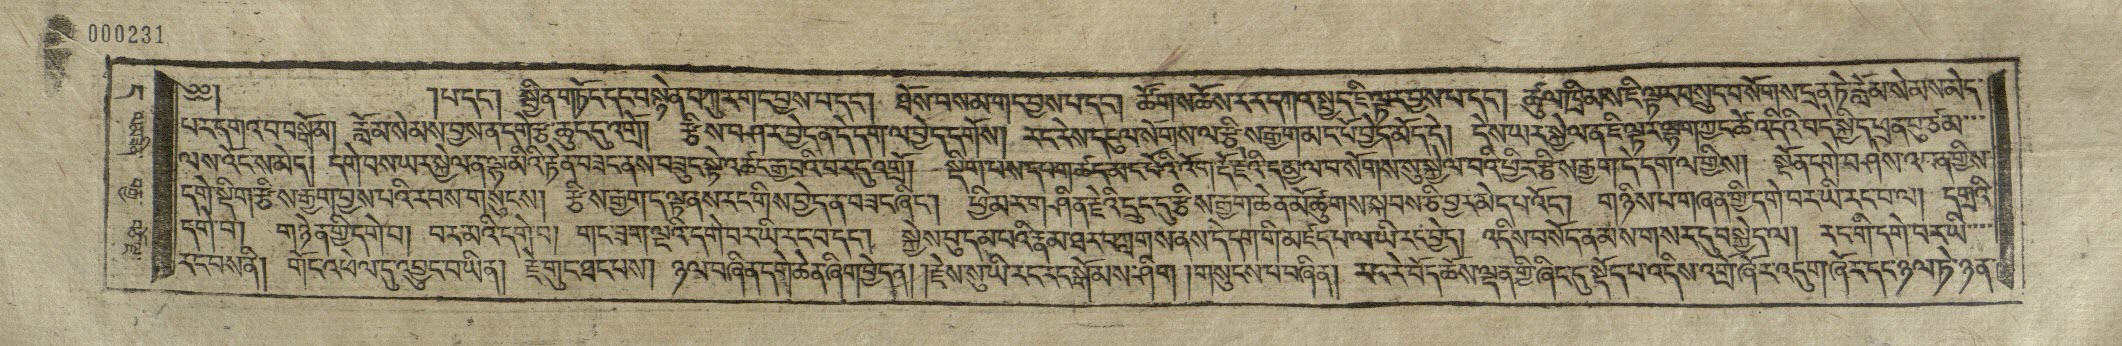༄༅། །པ་དང་། སྦྱིན་གཏོང་དང་བསྙེན་བཀུར་གང་བྱས་པ་དང་། ཐོས་བསམ་གང་བྱས་པ་དང་། ཚོགས་ཆོས་རར་དཀའ་སྤྱད་ཇི་ལྟར་བྱས་པ་དང་། ཚུལ་ཁྲིམས་ཇི་ལྟར་བསྲུང་བ་སོགས་དྲན་ཏེ་རློམ་སེམས་མེད་
པར་དགའ་བ་བསྒོམ། རློམ་སེམས་བྱས་ན་དགེ་རྩ་ཆུང་དུ་འགྲོ། རྩིས་བཤར་བྱེད་ན་དེ་དག་ལ་བྱེད་དགོས། རང་རེས་དངུལ་སོགས་ལ་རྩིས་རྒྱག་མང་པོ་བྱེད་མོད་དེ། དེས་ཡར་སྐྱེལ་ན་ཇི་ལྟར་ལྷག་ཀྱང་ཚེ་འདིའི་བདེ་སྐྱིད་ཕྲན་བུ་ཙམ་
ལས་འོང་ས་མེད། དགེ་བས་ཡར་སྐྱེལ་ན་ལྷ་མིའི་རྟེན་བཟང་ནས་བཟུང་སྟེ་འཚང་རྒྱ་བའི་བར་དུ་འགྲོ། སྡིག་པས་དཔག་ཚད་མང་པོའི་འོག་རྡོ་རྗེའི་དམྱལ་བ་སོགས་སུ་སྐྱེལ་བའི་ཕྱིར་རྩིས་རྒྱག་དེ་དག་ལ་གྱིས། སྔོན་དགེ་བཤེས་འབན་གྱིས་
དགེ་སྡིག་རྩིས་རྒྱག་བྱས་པའི་རབས་གསུངས། རྩིས་རྒྱག་ད་ལྟ་ནས་རང་གིས་བྱེད་ན་བཟང་ཞིང་། ཕྱི་མར་གཤིན་རྗེའི་དྲུང་དུ་རྩིས་རྒྱག་ཆེན་མོ་ཚུགས་སྐབས་ཅི་བྱར་མེད་པ་འོང་། གཉིས་པ་གཞན་གྱི་དགེ་བར་ཡི་རང་བ་ལ། དགྲའི་
དགེ་བ། གཉེན་གྱི་དགེ་བ། བར་མའི་དགེ་བ། གང་ཟག་ལྔའི་དགེ་བར་ཡི་རང་བ་དང་། སྐྱེས་བུ་དམ་པའི་རྣམ་ཐར་བཀླགས་ནས་དེ་དག་གི་མཛད་པ་ལ་ཡི་རང་བྱེད། འདིས་བསོད་ནམས་གསར་དུ་བསྐྱེད་ལ། རང་གི་དགེ་བར་ཡི་
རང་བས་ནི། གོང་འཕེལ་དུ་འབྱུང་བ་ཡིན། རྗེ་གུང་ཐང་པས། ཉལ་བཞིན་དགེ་ཆེན་ཞིག་བྱེད་ན། །རྗེས་སུ་ཡི་རང་རང་སྒོམས་ཤིག །གསུངས་པ་བཞིན། རང་རེ་བོད་ཆོས་ལྡན་གྱི་ཞིང་དུ་སྡོད་པ་འདིས་འགྲོ་ཞོར་འདུག་ཞོར་དང་ཉལ་ཏེ་ཉན་